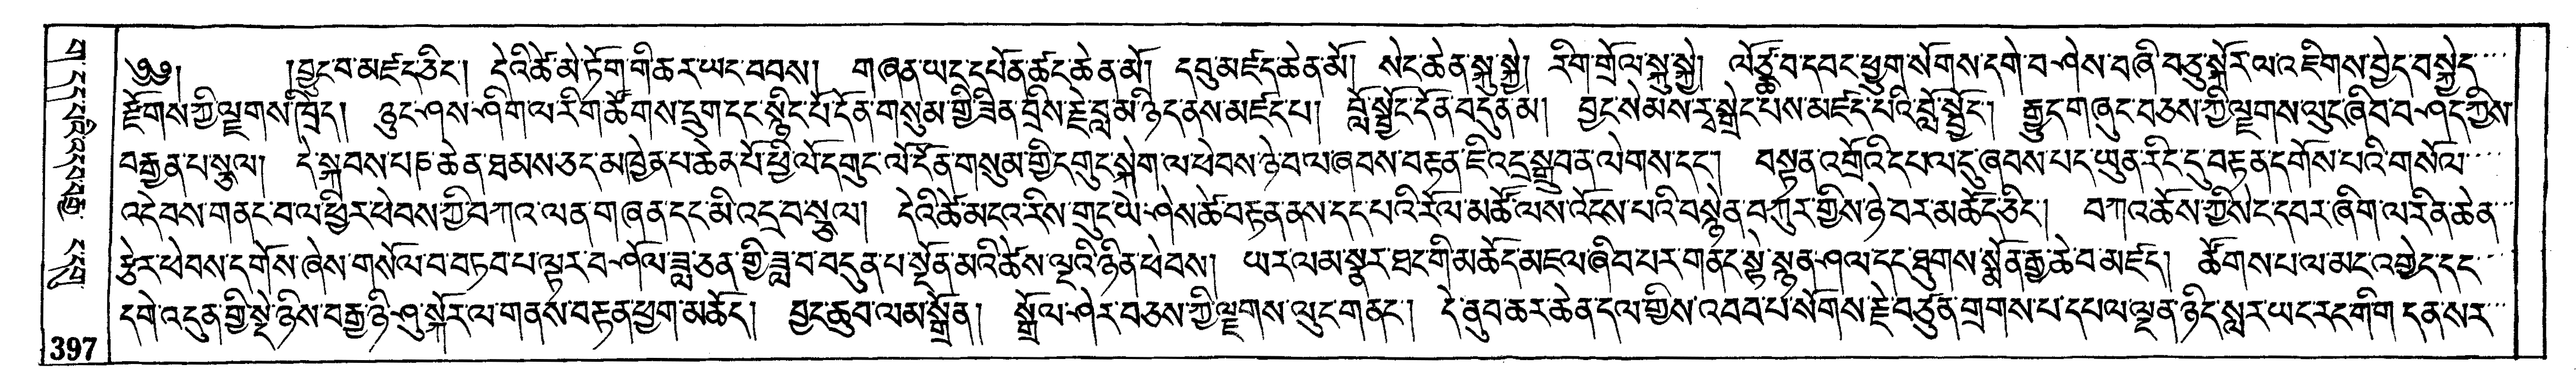༄༅། །བྱུང་བ་མཛད་ཅིང་། དེའི་ཚེ་མེ་ཏོག་གི་ཆར་ཡང་བབས། གཞན་ཡང་དཔོན་ཚང་ཆེན་མོ། དབུ་མཛད་ཆེན་མོ། སེང་ཆེན་སྐུ་སྐྱེ། རིག་གྲོལ་སྐུ་སྐྱེ། ལོཙྪ་བ་དབང་ཕྱུག་སོགས་དགེ་བཤེས་བཞི་བཅུ་སྐོར་ལ་འཇིགས་བྱེད་བསྐྱེད་
རྫོགས་ཀྱི་ལྗགས་ཁྲིད། ཉུང་ཤས་ཤིག་ལ་རིག་ཚོགས་དྲུག་དང་སྙིང་པོ་དོན་གསུམ་གྱི་ཟིན་བྲིས་རྗེ་བླ་མ་ཉིད་ནས་མཛད་པ། བློ་སྦྱོང་དོན་བདུན་མ། བྱང་སེམས་རྭ་སྒྲེང་པས་མཛད་པའི་བློ་སྦྱོང་། རྒྱུད་གཞུང་བཅས་ཀྱི་ལྗགས་ལུང་ཞིབ་བཤད་ཀྱིས་
བརྒྱན་པ་སྩལ། དེ་སྐབས་པཎ་ཆེན་ཐ་མས་ཅད་མཁྱེན་པ་ཆེན་པོ་ཕྱི་ལོ་དགུང་ལོ་དོན་གསུམ་གྱི་དགུང་སྐེག་ལ་ཕེབས་ཉེ་བ་ལ་ཞབས་བརྟན་ཇི་འདྲ་སྒྲུབ་ན་ལེགས་དང་། བསྟན་འགྲོའི་དཔལ་དུ་ཞབས་པད་ཡུན་རིང་དུ་བརྟན་དགོས་པའི་གསོལ་
འདེབས་གནང་བ་ལ་ཕྱིར་ཕེབས་ཀྱི་བཀའ་ལན་གཞན་དང་མི་འདྲ་བ་སྩལ། དེའི་ཚེ་མངའ་རིས་གུང་ཡེ་ཤེས་ཚེ་བརྟན་ནས་དད་པའི་རོལ་མཚོ་ལས་འོངས་པའི་བསྙེན་བཀུར་གྱིས་ཉེ་བར་མཆོད་ཅིང་། བཀའ་ཆོས་ཀྱི་སེང་དབར་ཞིག་ལ་རིན་ཆེན་
རྩེར་ཕེབས་དགོས་ཞེས་གསོལ་བ་བཏབ་པ་ལྟར་བཤོལ་ཟླ་ཅན་གྱི་ཟླ་བ་བདུན་པ་སྔོན་མའི་ཚེས་ལྔའི་ཉིན་ཕེབས། ཡར་ལམ་སྣར་ཐང་གི་མཆོད་མཇལ་ཞིབ་པར་གནང་སྟེ་སྙན་ཤལ་དང་ཐུགས་སྨོན་རྒྱ་ཆེ་བ་མཛད། ཚོགས་པ་ལ་མང་འགྱེད་དང་
དགེ་འདུན་གྱི་སྡེ་ཉིས་བརྒྱ་ཉི་ཤུ་སྐོར་ལ་གནས་བརྟན་ཕྱག་མཆོད། བྱང་ཆུབ་ལམ་སྒྲོན། སྒྲོལ་ཤེར་བཅས་ཀྱི་ལྗགས་ལུང་གནང་། དེ་ནུབ་ཆར་ཆེན་དལ་གྱིས་འབབ་པ་སོགས་རྗེ་བཙུན་གྲགས་པ་དཔལ་ལྡན་ཉིད་སླར་ཡང་རང་གི་གདན་སར་